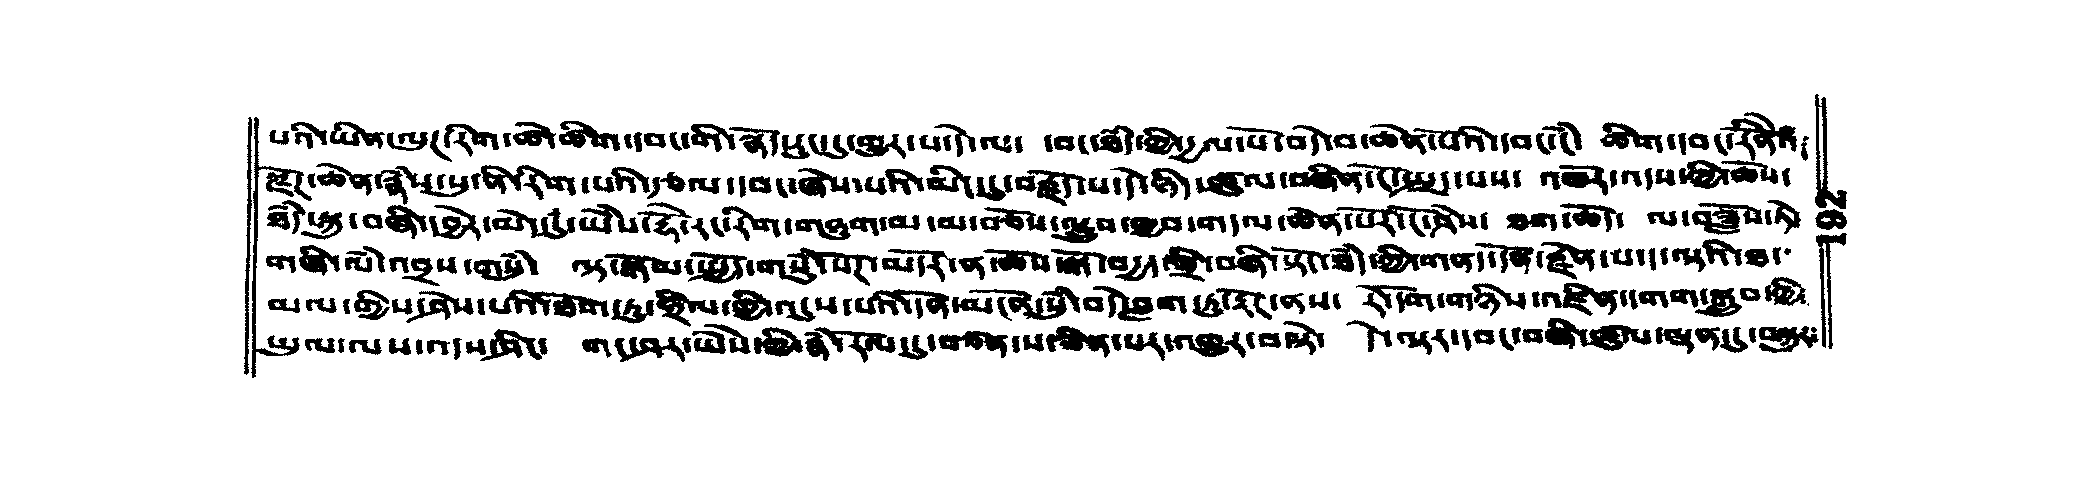པའི་ཡིན་ལུགས་རིག་ཚེ་ཚིག་དབང་གི་སྣོད་རུང་དུ་གྱུར་པ་དེ་ལ། དབང་ཐམས་ཅད་ཀྱི་རྒྱལ་པོ་བདེ་བ་ཆེན་པོའི་དབང་ངམ། ཚིག་དབང་རིན་པོ་ཆེའམ་
རྫོགས་ཆེན་རྣམས་སུ་ནི་རིག་པའི་རྩལ་དབང་ཞེས་པའི་མིང་དུ་བརྗོད་པ་དེ་ཉིད་ཚུལ་བཞིན་ངོ་སྤྲད་པས། འཁོར་འདས་ཀྱི་ཆོས་
ཐམས་ཅད་སྐུ་བཞི་དབྱེར་མེད་དུ་ཡེ་ཤེས་རྡོ་རྗེ་རང་རིག་གཉུག་མ་མ་བཅོས་ལྷུན་གྲུབ་ཁྱབ་གདལ་ཆེན་པོར་ངོ་ཤེས། ཐག་ཆོད་ལ་བཟླས་ཏེ་
གཞི་ལམ་འབྲས་གསུམ། ལྟ་སྒོམ་སྤྱོད་གསུམ་སོགས་མདོར་ན་ཆོས་སྒོ་བརྒྱད་ཁྲི་སྟོང་ཐམས་ཅད་ཀྱི་གནད་དོན་རྗེན་པ་ད་ལྟའི་ཐ་
མལ་གྱིས་ཤེས་པའི་ཐོག་ཏུ་ཧྲིལ་གྱི་འདུས་པའི་དོན་མངོན་སུམ་བདེ་བླག་ཏུ་རྟོགས་ནས། རེ་དོགས་གཉིས་འཛིན་དགག་སྒྲུབ་ཀྱི་
ཡུལ་ལས་འདས་ཤིང་། གང་ཤར་ཡེ་ཤེས་ཀྱི་རྣམ་རོལ་དུ་བཙན་ས་ཟིན་པར་འགྱུར་བ་སྟེ། དེ་ལྟར་དབང་བཞི་ཚུལ་ལྡན་དུ་བསྐུར་